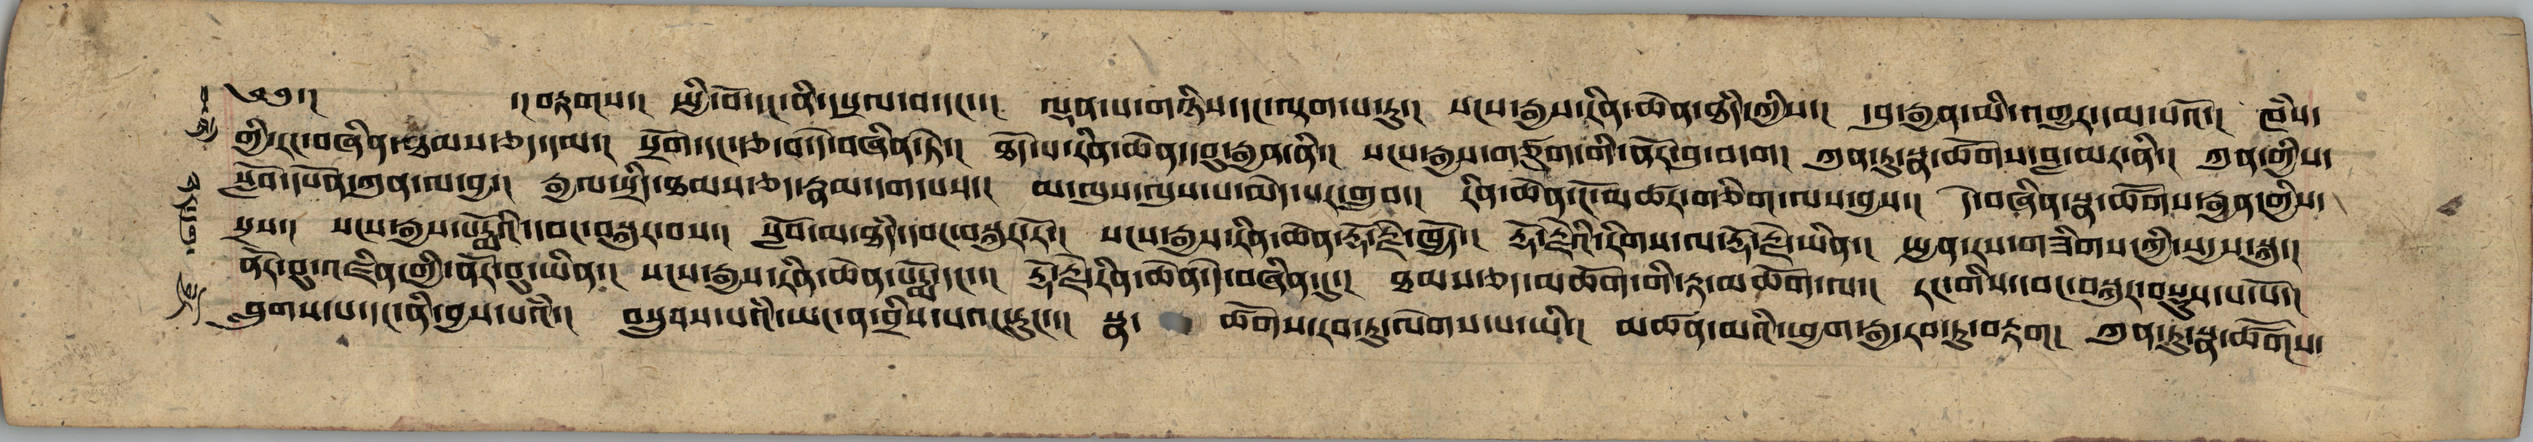༄༅་། ་།བརྟགས་། སྤྱི་བོ་དང་ནི་དཔྲལ་བ་དང་་། ལྡན་པ་གཉིས་དང་ལྡག་པ་རུ་། སངས་རྒྱས་རིན་ཆེན་ཐཾད་ཀྱིས་། དབུ་རྒྱན་མི་འགྱུར་དམ་པའོ་། ཁཾས་
གྱི་རང་བཞིན་ཐམས་ཅད་དམ། སྲོག་དང་རྩ་བ་དེ་བཞིན་ཏེ་། ཐོད་པ་རིན་ཆེན་དབུ་རྒྱན་ནི་། སངས་རྒྱས་གཙུག་གི་ནོར་བུ་བདག། ཀུན་ཏུ་སྣ་ཚོགས་བླ་མར་ནི་། ཀུན་གྱི་ས་
སློབ་དཔོན་ཀུན་ལ་བྱ་། རྒྱལ་སྲིད་ཐམས་ཅད་རྣམ་དག་པས་། མ་ལུས་ལུས་པ་མེད་པར་གྲུབ་། རིན་ཆེན་ངོ་མཚར་གཅིག་ལས་བྱས་། དེ་བཞིན་སྣ་ཚོགས་རྒྱན་གྱིས་
སྲས་། སངས་རྒྱས་པདྨོའི་དབང་བསྐུར་བས་། སློབ་མ་ཐཾད་དབང་བསྐུར་རོ་། སངས་རྒྱས་རིན་ཆེན་རྡོ་རྗེ་ཁྱོད་། རྡོ་རྗེའི་རིགས་ལ་རྡོ་རྗེ་ཡིན་། སྤྱན་རས་གཟིགས་ཀྱི་སདྱས་སྐུ་།
ནོར་བུ་འཛིན་གྱི་ནོར་བུ་ཡིན་། སངས་རྒྱས་རིན་ཆེན་པདྨོ་དང་་། རྡོ་རྗེ་རིན་ཆེན་དེ་བཞིན་དུ་། ཐམས་ཅད་མཆོག་གི་རྟ་མཆོག་ལ་། རང་གིས་དབང་བསྐུར་བསྡུས་པ་པོ་།
བླུགས་པ་དང་ནི་བྱས་པའཾ་། བསྲུབས་པའི་ཡང་ན་བྲིས་པའང་རུང་་། སྣ་ ཚོགས་རབ་ཏུ་ལེགས་པ་ཡི་། མཚན་མའི་ཕྱག་རྒྱ་རབ་ཏུ་བརྟག། ཀུན་ཏུ་སྣ་ཚོགས་